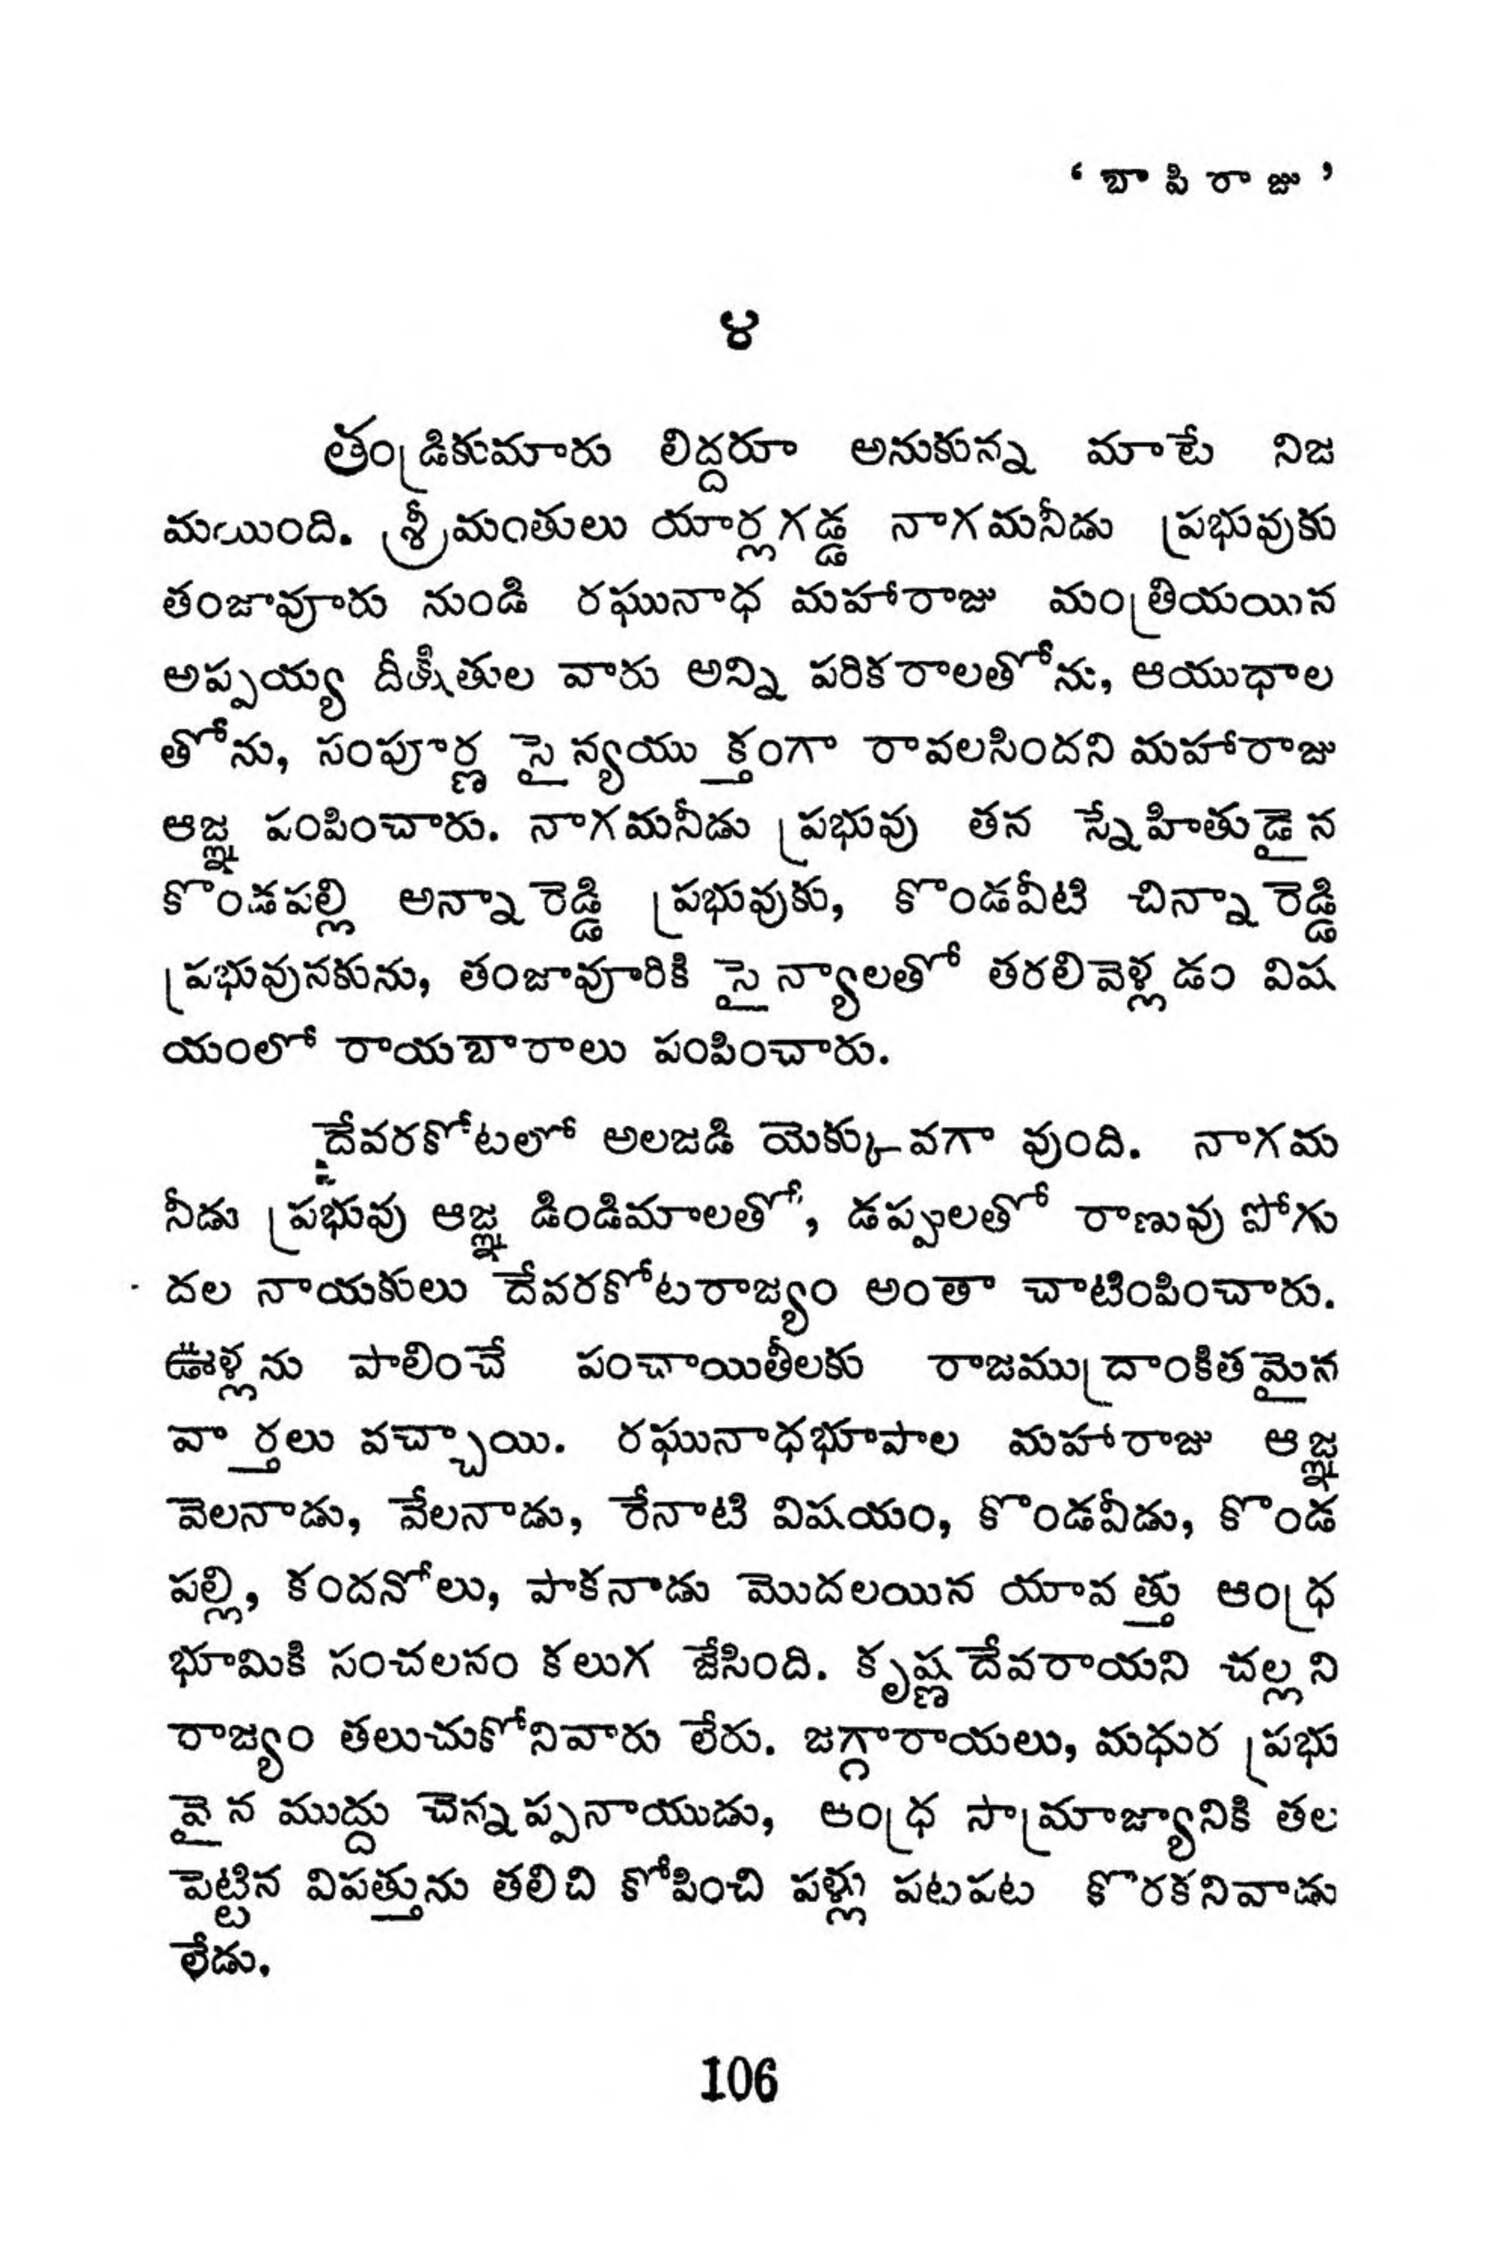4
తండ్రికుమారు లిద్దరూ అనుకున్న మాటే నిజ మయింది. శ్రీమంతులు యార్లగడ్డ నాగమనీడు ప్రభువుకు తంజావూరు నుండి రఘునాధ మహారాజు మంత్రియయిన అప్పయ్య దీక్షితుల వారు అన్ని పరికరాలతోను, ఆయుధాల తోను, సంపూర్ణ సైన్యయుక్తంగా రావలసిందని మహారాజు ఆజ్ఞ పంపించారు. నాగమనీడు ప్రభువు తన స్నేహితుడైన కొండపల్లి అన్నారెడ్డి ప్రభువుకు, కొండవీటి చిన్నారెడ్డి ప్రభువునకును, తంజావూరికి సైన్యాలతో తరలివెళ్లడం విషయంలో రాయబారులు పంపించారు.

దేవరకోటలో అలజడి యెక్కువగా వుంది. నాగమనీడు ప్రభువు ఆజ్ఞ డిండిమాలతో, డప్పులతో రాణువుపోగుదల నాయకులు దేవరకోటరాజ్యం అంతా చాటింపించారు. ఊళ్లను పాలించే పంచాయితీలకు రాజముద్రాంకితమైన వార్తలు వచ్చాయి. రఘునాధభూపాల మహారాజు ఆజ్ఞ వెలనాడు, వేలనాడు, రేనాటి విషయం, కొండవీడు, కొండపల్లి, కందనోలు, పాకనాడు మొదలయిన యావత్తు ఆంధ్ర భూమికి సంచలనం కలుగ జేసింది. కృష్ణదేవరాయని చల్లని రాజ్యం తలుచుకోనివారు లేరు. జగ్గారాయలు, మధుర ప్రభువైన ముద్దు చెన్నప్పనాయుడు, ఆంధ్ర సామ్రాజ్యానికి తల పెట్టిన విపత్తును తలిచి కోపించి పళ్లు పటపట కొరకనివాడు లేడు.